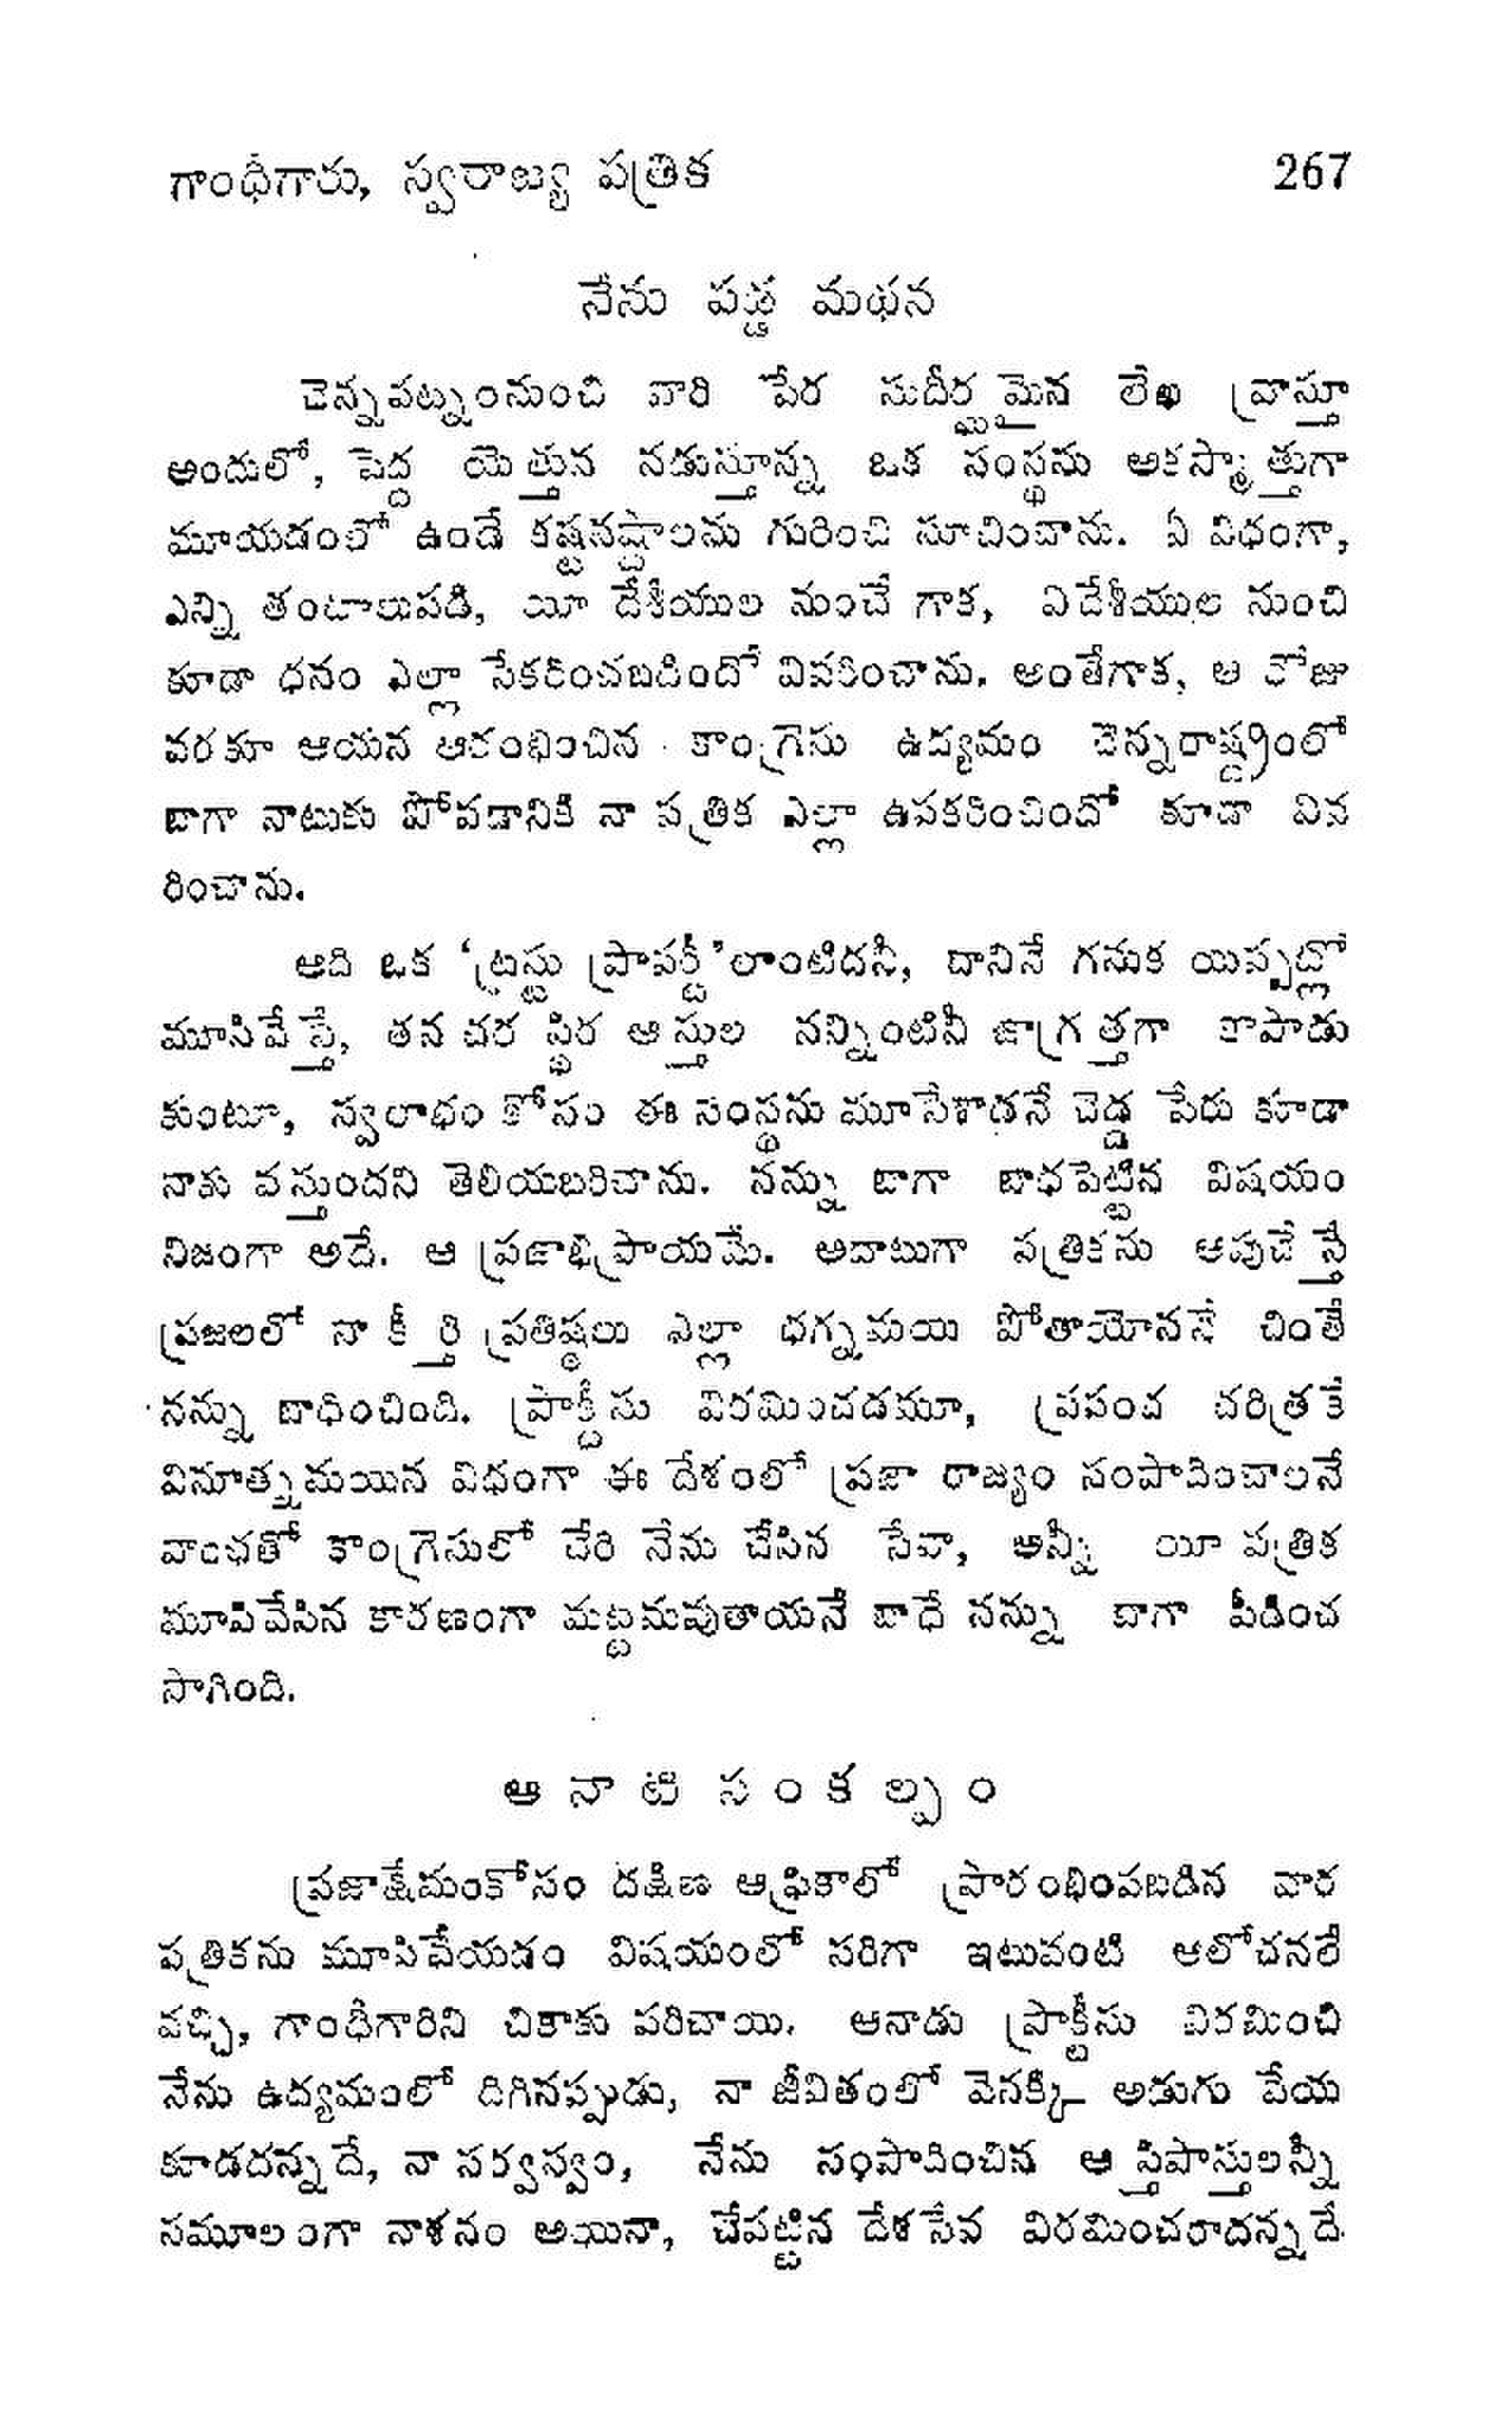చెన్నపట్నంనుంచి వారి పేర సుదీర్ఘమైన లేఖ వ్రాస్తూ అందులో, పెద్ద యెత్తున నడుస్తూన్న ఒక సంస్థను అకస్మాత్తుగా మూయడంలో ఉండే కష్టనష్టాలను గురించి సూచించాను. ఏ విధంగా, ఎన్ని తంటాలుపడి, యీ దేశీయుల నుంచే గాక, విదేశీయుల నుంచి కూడా ధనం ఎల్లా సేకరించబడిందో వివరించాను. అంతేగాక, ఆరోజు వరకూ ఆయన ఆరంభించిన కాంగ్రెసు ఉధ్యమం చెన్నరాష్ట్రంలో బాగా నాటుకు పోవడానికి నా పత్రిక ఎల్లా ఉపకరించిందో కూడా వివరించాను.

అది ఒక "ట్రస్టు ప్రాపర్టీ"లాంటిదనీ, దానినే గనుక యిప్పట్లో మూసువేస్తే, తన చర స్థిర ఆస్తుల నన్నింటిని జాగ్రత్తగా కాపాడు కుంటూ, స్వలాభం కోసం ఈ సంస్థను మూసేశాడనే చెడ్డ పేరు కూడా నాకు వస్తుందని తెలియబరిచాను. నన్ను బాగా బాధపెట్టిన విషయం నిజంగా అదే. ఆ ప్రజాభిప్రాయమే. అదాటుగా పత్రికను ఆపుచేస్తే ప్రజలలో నా కీర్తి ప్రతిష్టలు ఎల్లా ధగ్నమయి పోతాయోననే చింతే నన్ను బాధించింది. ప్రాక్టీసు విరమించడమూ, ప్రపంచ చరిత్రకే వినూత్నమయిన విధంగా ఈ దేశంలో ప్రజా రాజ్యం సంపాదించాలనే వాంఛతో కాంగ్రెసులో చేరి నేను చేసిన సేవా, అన్ని యీ పత్రిక మూసివేసిన కారణంగా మట్టమవుతాయనే బాధే నన్ను బాగా పీడించ సాగింది.

ప్రజాక్షేమంకోసం దక్షిణ ఆఫ్రికాలో ప్రారంభింపబడిన వార పత్రికను మూసివేయడం విషయంలో సరిగా ఇటువంటి ఆలోచనలే వచ్చి, గాంధీగారిని చికాకు పరిచాయి. ఆనాడు ప్రాక్టీసు విరమించి నేను ఉద్యమంలో దిగినప్పుడు, నా జీవితంలో వెనక్కి అడుగు వేయకూడదన్నదే, నాసర్వస్వం, నేను సంపాదించిన ఆస్తిపాస్తులన్నీ సమూలంగా నాశనం అయినా, చేపట్టిన దేశసేవ విరమించరాదన్నదే